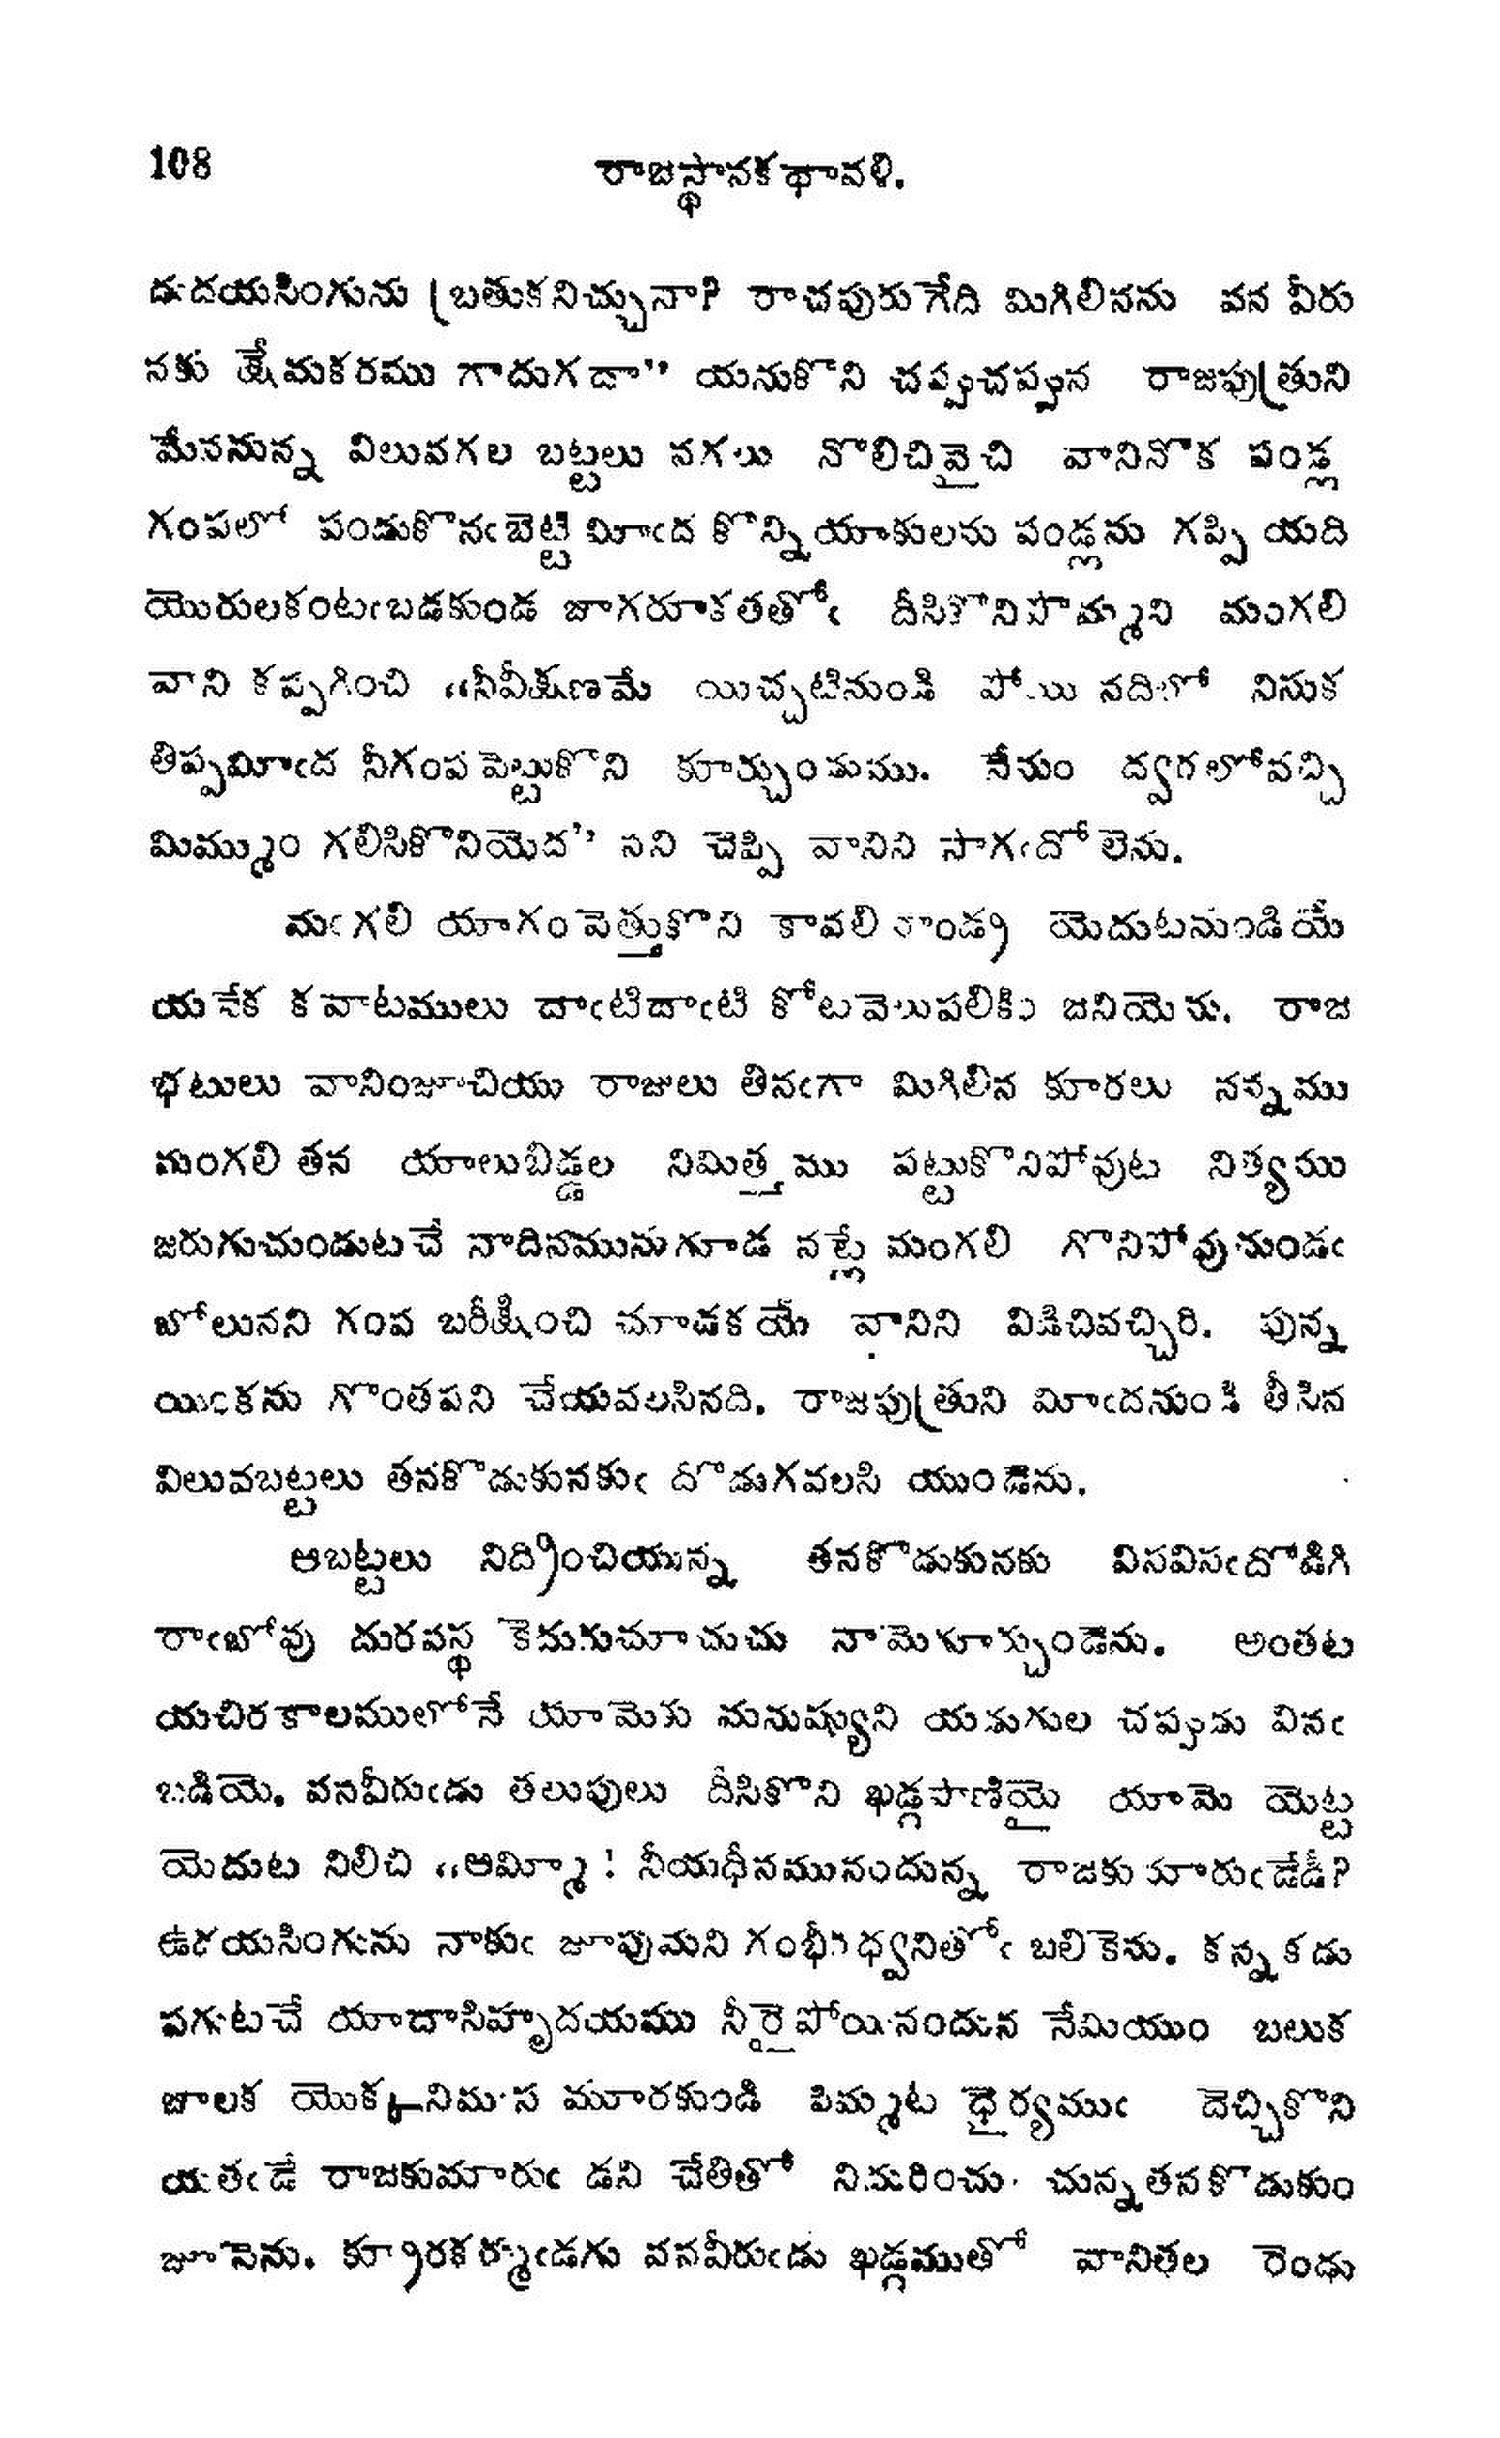డుదయసింగును బ్రతుక నిచ్చునా? రాచపురుగేది మిగిలినను వనవీరునకు క్షేమకరము గాదుగదా" యనుకొని చప్పుచప్పున రాజపుత్రుని
మేననున్న విలువగల బట్టలు నగలు నొలిచివైచి వానినొక పండ్ల గంపలో పండుకొనఁబెట్టి మీద కొన్ని యాకులను పండ్లను గప్పి యది
యొరులకంటఁబడకుండ జాగరూకతతోఁ దీసికొనిపొమ్మని మంగలి వాని కప్పగించి "నీవీక్షణమే యిచ్చటినుండి పోయి నదిలో నిసుక
తిప్పమీఁద నీగంప పెట్టుకొని కూర్చుండుము. నేనుం ద్వరలోవచ్చి మిమ్ముం గలిసికొనియెద" నని చెప్పి వానిని సాగఁదోలెను.

మఁగలి యాగంపెత్తుకొని కావలి వాండ్ర యెదుటనుండియే యనేక కవాటములు దాఁటిదాఁటి కోటవెలుపలికిం జనియెదు. రాజభటులు వానింజూచియు రాజులు తినఁగా మిగిలిన కూరలు నన్నము మంగలి తన యాలుబిడ్డల నిమిత్తము పట్టుకొనిపోవుట నిత్యము
జరుగుచుండుటచే నాదినమును గూడ నట్లే మంగలి గొనిపోవుచుండఁ బోలునని గంప బరీక్షించి చూడకయే వానిని విడిచివచ్చిరి. పున్న
యింకను గొంతపని చేయవలసినది, రాజపుత్రుని మీఁదనుండి తీసిన విలువబట్టలు తనకొడుకునకుఁ దోడుగవలసి యుండెను.

ఆబట్టలు నిద్రించియున్న తన కొడుకునకు విసవిసందొడిగి రాఁబోవు దురవస్థ కెదురుచూచుచు నామె గూర్చుండెను. అంతట
యచిరకాలములోనే యామేకు మనుష్యుని యడుగుల చప్పుడు వినఁబడియె, వనవీరుఁడు తలుపులు దీసికొని ఖడ్గపాణియై యామె యెట్ట
యెదుట నిలిచి "అమ్మీ ! నీయధీనమునందున్న రాజకుమారుఁ డేడీ ? ఉదయసింగును నాకుఁ జూపుమని గంభీర ధ్వనితోఁ బలికెను. కన్నకడుపగుటచే యాదాసిహృదయము నీరై పోయినందున నేమియుం బలుక జాలక యొక్క నిముస మూరకుండి పిమ్మట ధైర్యముఁ దెచ్చికొని యతఁడే రాజకుమారుఁ డని చేతితో నిదురించు చున్న తన కొడుకుం జూపెను. క్రూరకర్ముఁడగు వనవీరుఁడు ఖడ్గముతో వానితల రెండు